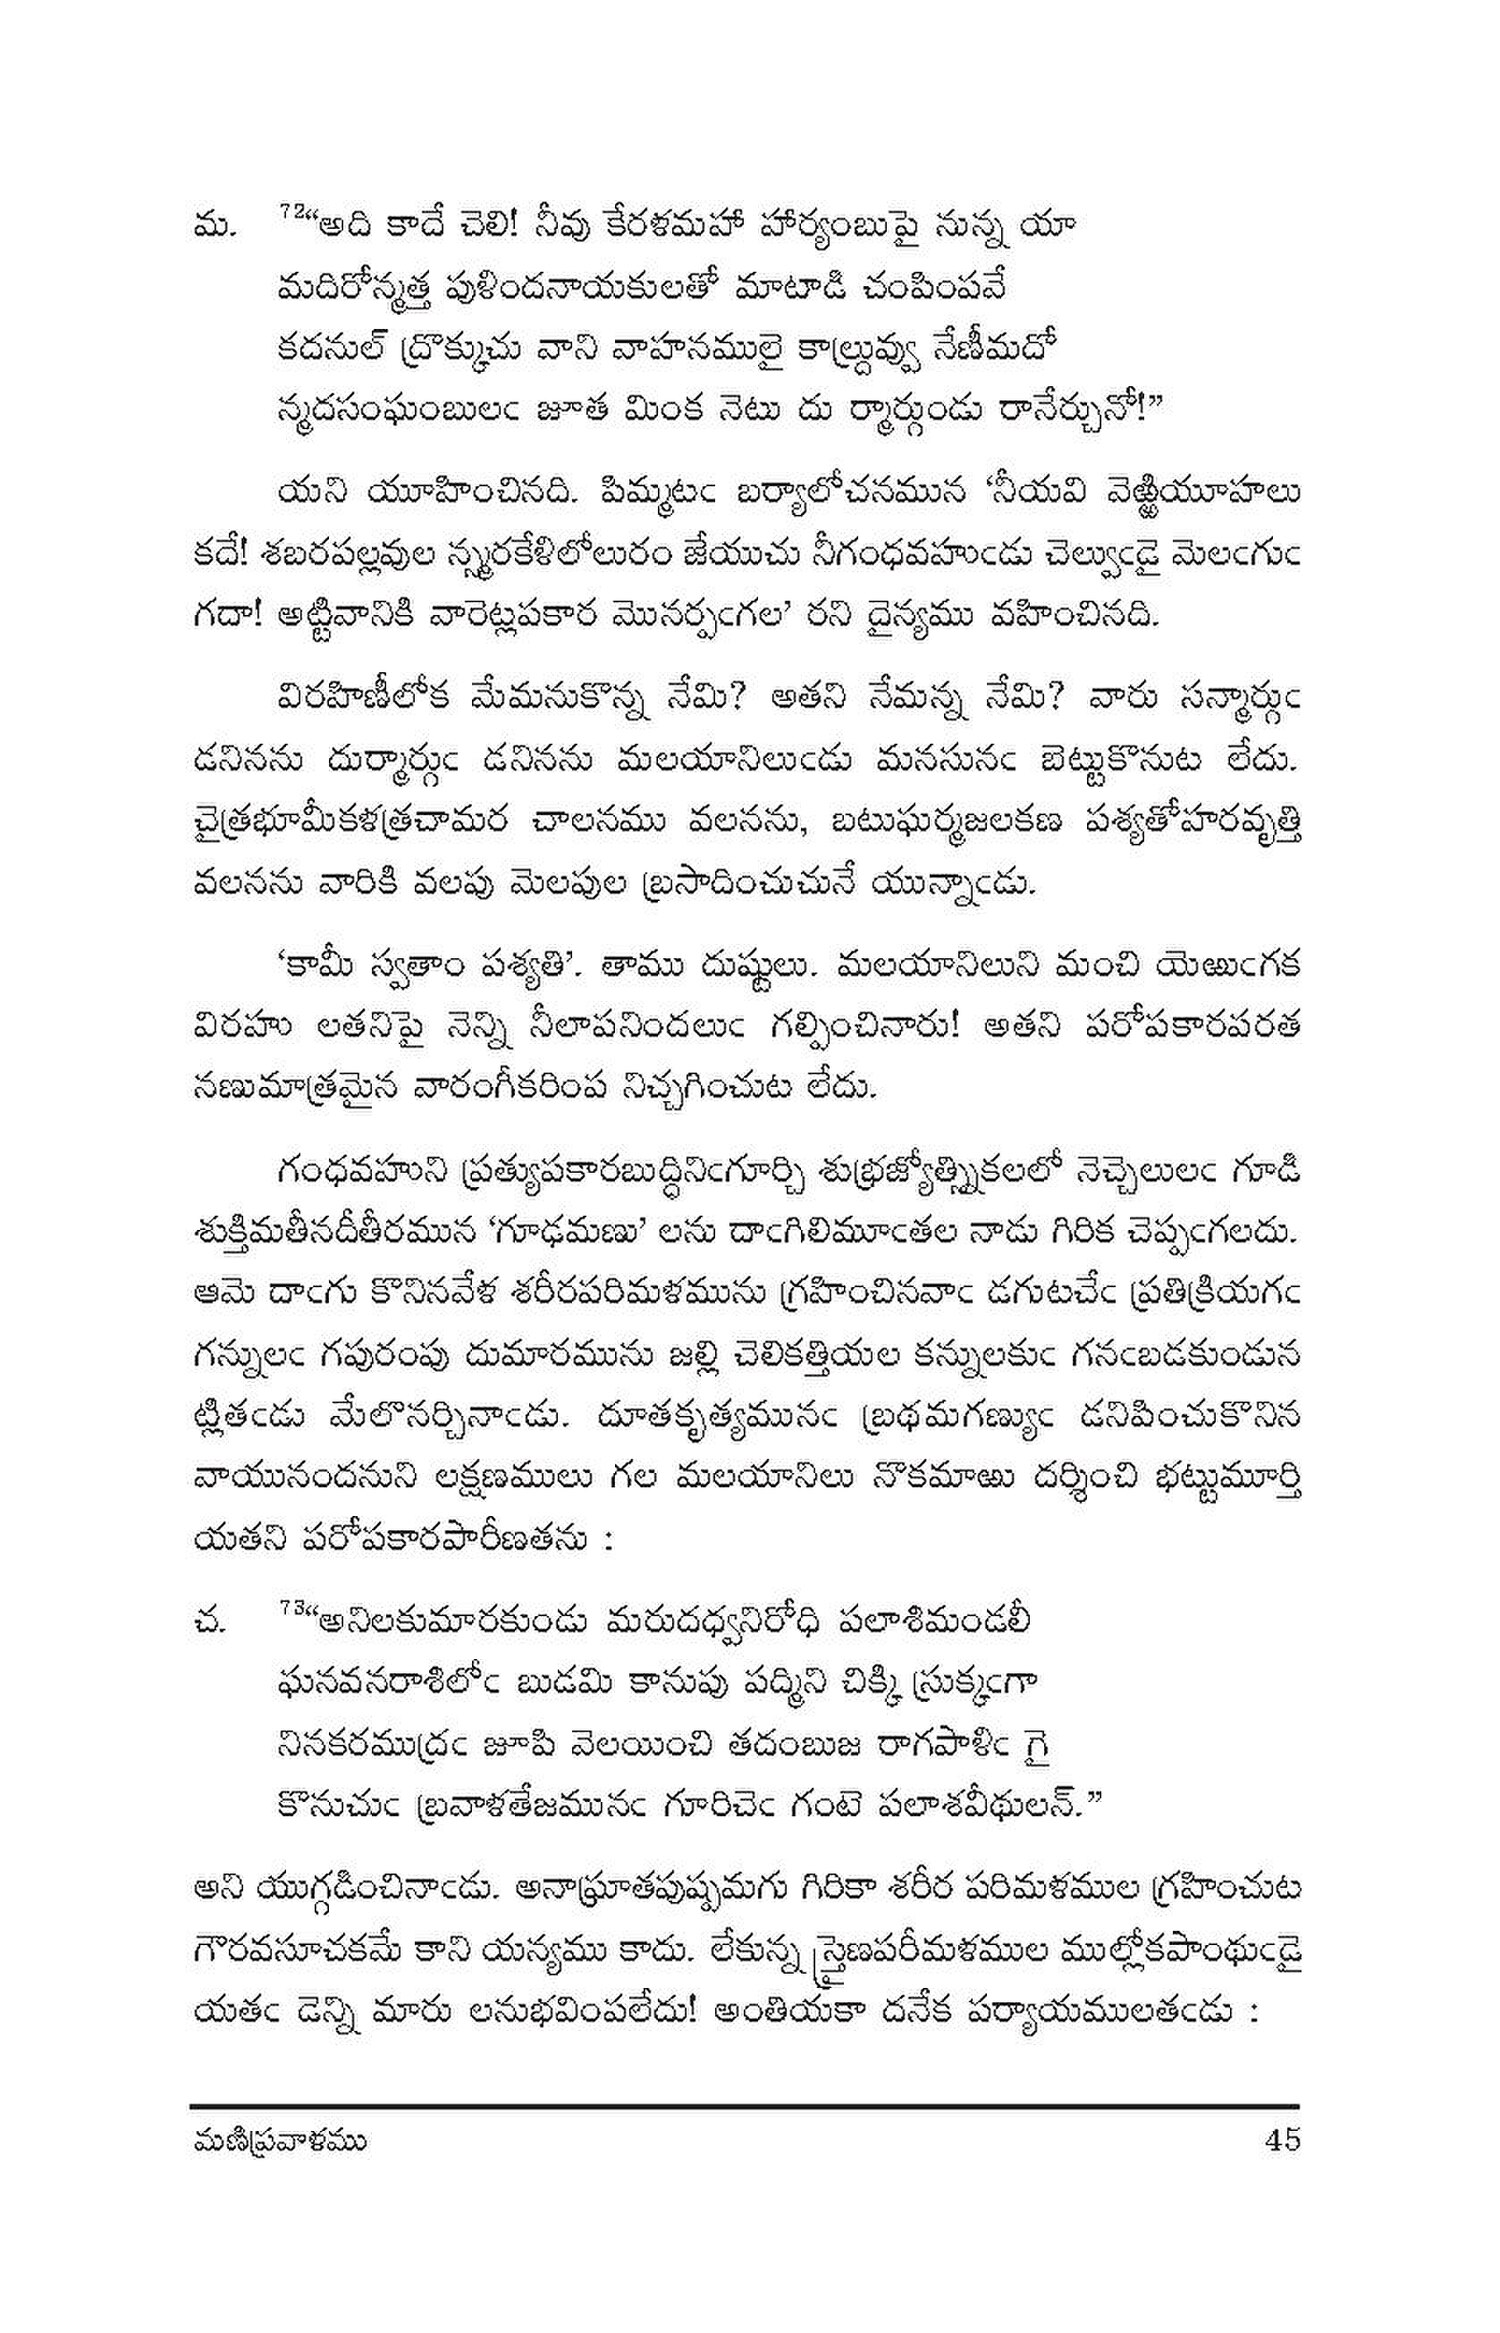మ. "అది కాదే చెలి! నీవు కేరళమహా హార్యంబుపై నున్న యా
 మదిరోన్మత్త పుళిందనాయకులతో మాటాడి చంపింపవే
 కదనుల్ ద్రొక్కుచు వాని వాహనములై కాల్ద్రువ్వు నేణీమదో
 న్మదసంఘంబులఁ జూత మింక నెటు దు ర్మార్గుండు రానేర్చునో!”

యని యూహించినది. పిమ్మటఁ బర్యాలోచనమున 'నీయవి వెఱ్ఱియూహలు
కదే! శబరపల్లవుల న్స్మరకేళిలోలురం జేయుచు నీగంధవహుఁడు చెల్వుఁడై మెలఁగుఁ
గదా! అట్టివానికి వారెట్లపకార మొనర్పఁగల' రని దైన్యము వహించినది.

విరహిణీలోక మేమనుకొన్న నేమి? అతని నేమన్న నేమి? వారు సన్మార్గుఁ
డనినను దుర్మార్గుఁ డనినను మలయానిలుఁడు మనసునఁ బెట్టుకొనుట లేదు.
చైత్రభూమీకళత్రచామర చాలనము వలనను, బటుఘర్మజలకణ పశ్యతోహరవృత్తి
వలనను వారికి వలపు మెలపుల బ్రసాదించుచునే యున్నాఁడు.

'కామీ స్వతాం పశ్యతి'. తాము దుష్టులు. మలయానిలుని మంచి యెఱుఁగక
విరహు లతనిపై నెన్ని నీలాపనిందలుఁ గల్పించినారు! అతని పరోపకారపరత
నణుమాత్రమైన వారంగీకరింప నిచ్చగించుట లేదు.

గంధవహుని ప్రత్యుపకారబుద్ధినిఁ గూర్చి శుభ్రజ్యోత్స్నికలలో నెచ్చెలులఁ గూడి
శుక్తిమతీనదీతీరమున 'గూఢమణు' లను దాఁగిలిమూఁతల నాడు గిరిక చెప్పఁగలదు.
ఆమె దాఁగు కొనినవేళ శరీరపరిమళమును గ్రహించినవాఁ డగుటచేఁ ప్రతిక్రియగఁ
గన్నులఁ గపురంపు దుమారమును జల్లి చెలికత్తియల కన్నులకుఁ గనఁబడకుండున
ట్లితఁడు మేలొనర్చినాఁడు. దూతకృత్యమునఁ బ్రథమగణ్యుఁ డనిపించుకొనిన
వాయునందనుని లక్షణములు గల మలయానిలు నొకమాఱు దర్శించి భట్టుమూర్తి
యతని పరోపకారపారీణతను :

చ. "అనిలకుమారకుండు మరుదధ్వనిరోధి పలాశిమండలీ
 ఘనవనరాశిలోఁ బుడమి కానుపు పద్మిని చిక్కి స్రుక్కఁగా
 నినకరముద్రఁ జూపి వెలయించి తదంబుజ రాగపాళిఁ గై
 కొనుచుఁ బ్రవాళతేజమునఁ గూరిచెఁ గంటె పలాశవీథులన్.”

అని యుగ్గడించినాఁడు. అనాఘ్రాతపుష్పమగు గిరికా శరీర పరిమళముల గ్రహించుట
గౌరవసూచకమే కాని యన్యము కాదు. లేకున్న స్త్రైణపరీమళముల ముల్లోకపాంథుఁడై
యతఁ డెన్ని మారు లనుభవింపలేదు! అంతియకా దనేక పర్యాయములతఁడు :